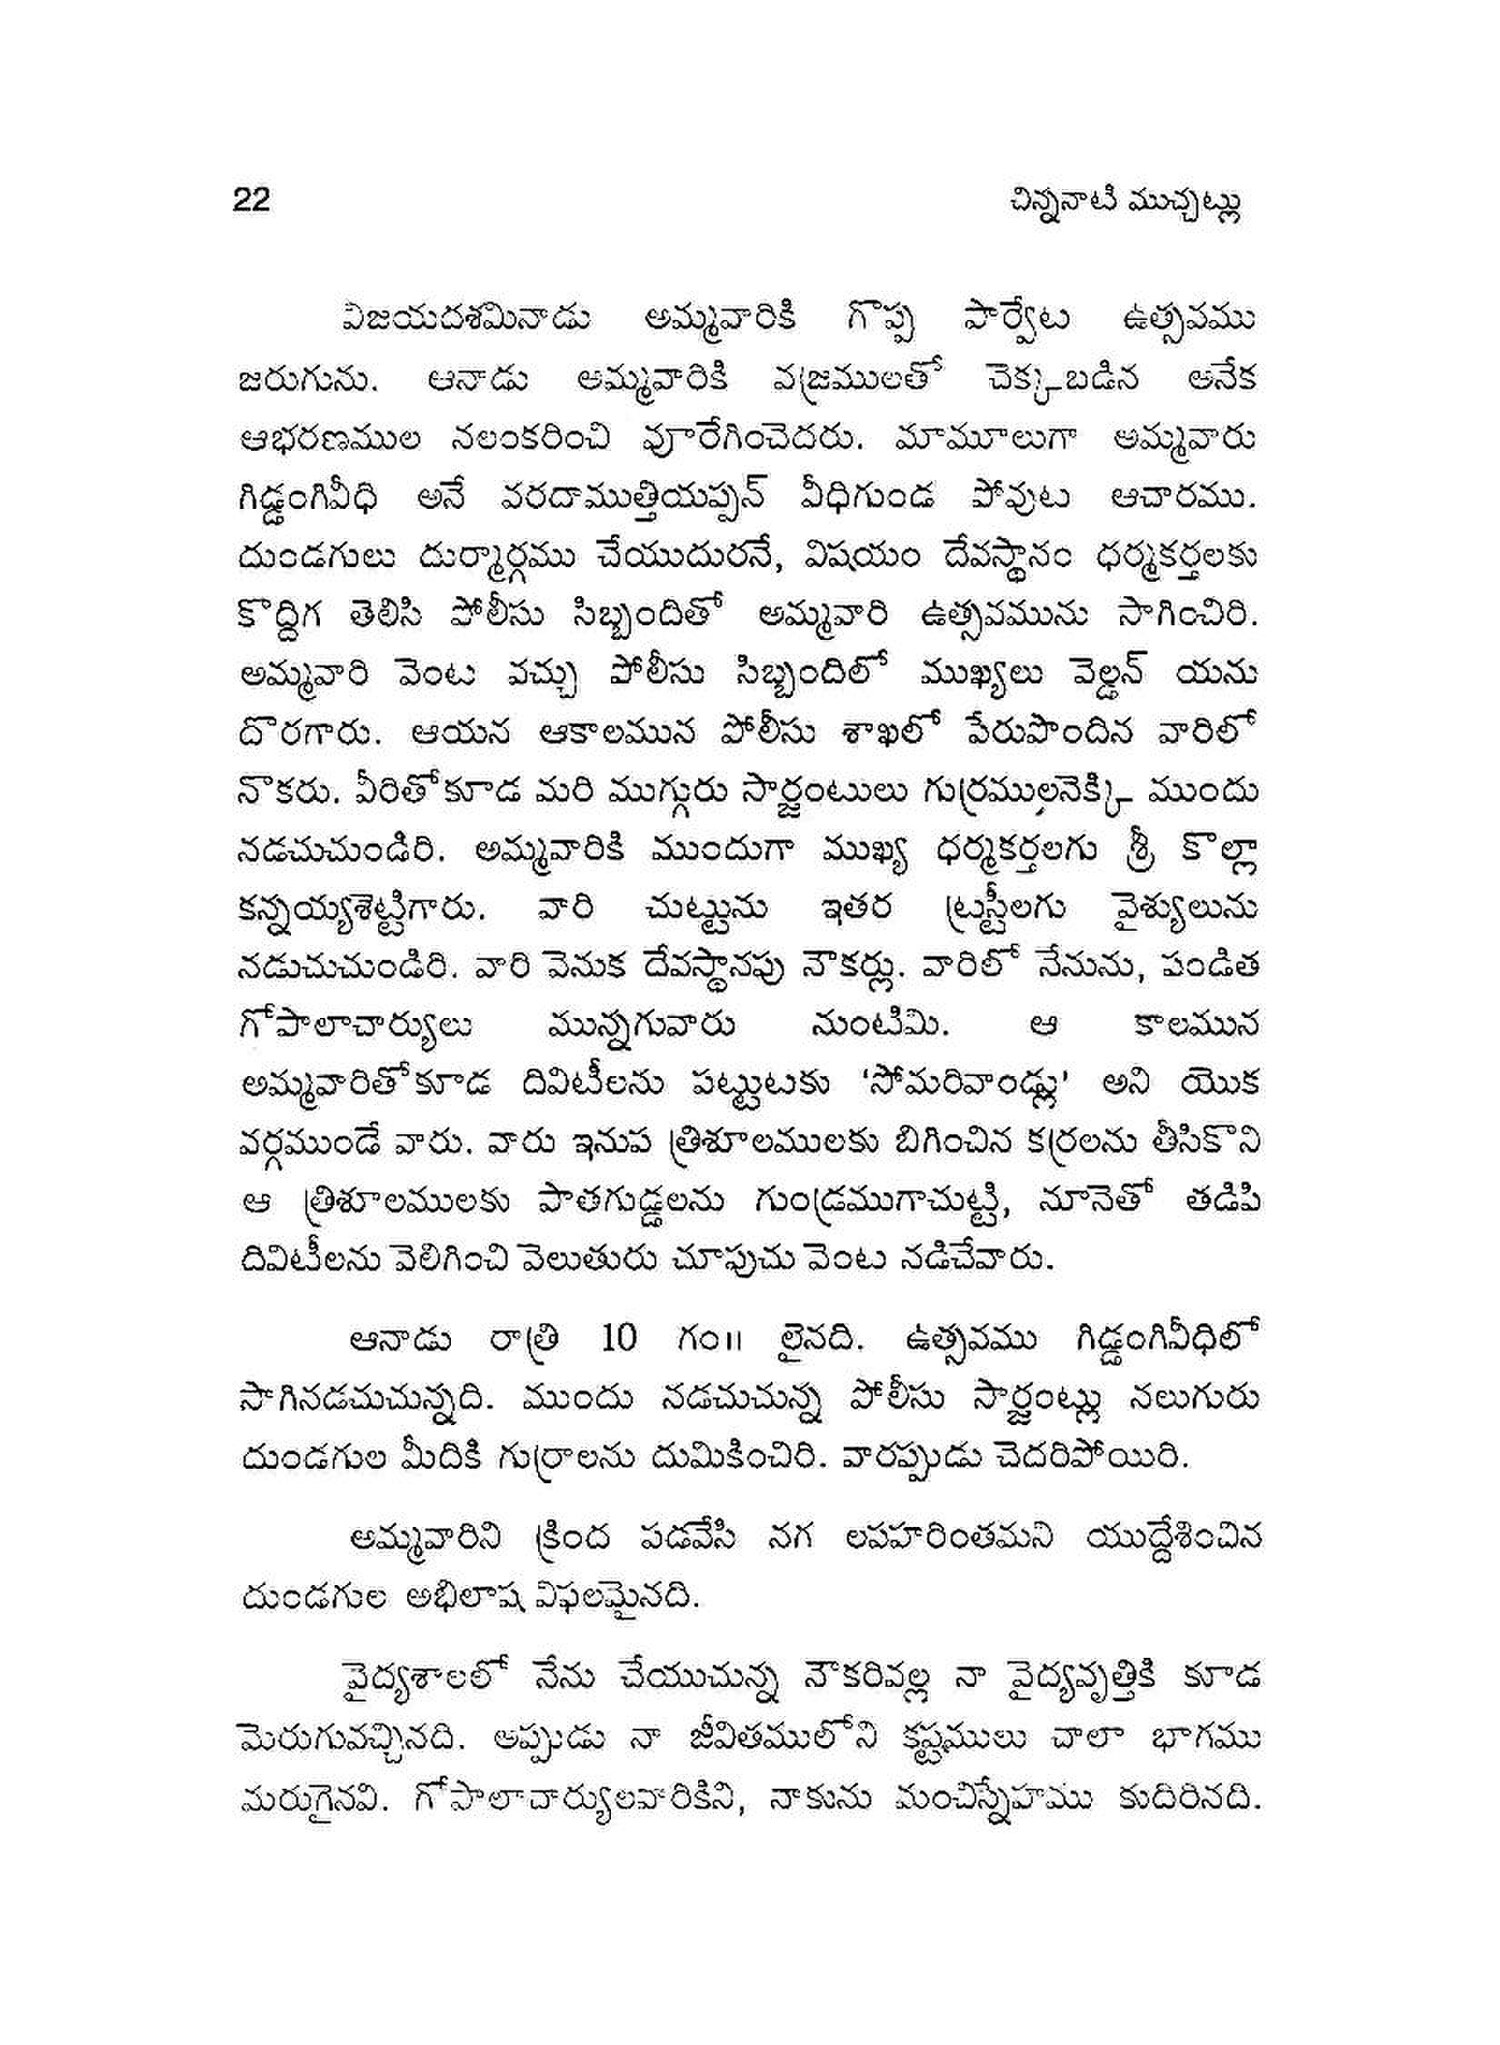విజయదశమినాడు అమ్మవారికి గొప్ప పార్వేట ఉత్సవము జరుగును. ఆనాడు అమ్మవారికి వజ్రములతో చెక్కబడిన అనేక ఆభరణముల నలంకరించి వూరేగించెదరు. మామూలుగా అమ్మవారు గిడ్డంగివీధి అనే వరదాముత్తియప్పన్ వీధిగుండ పోవుట ఆచారము. దుండగులు దుర్మార్గము చేయుదురనే, విషయం దేవస్థానం ధర్మకర్తలకు కొద్దిగ తెలిసి పోలీసు సిబ్బందితో అమ్మవారి ఉత్సవమును సాగించిరి. అమ్మవారి వెంట వచ్చు పోలీసు సిబ్బందిలో ముఖ్యలు వెల్డన్ యను దొరగారు. ఆయన ఆకాలమున పోలీసు శాఖలో పేరుపొందిన వారిలో నొకరు. వీరితో కూడ మరి ముగ్గురు సార్జంటులు గుర్రములనెక్కి ముందు నడచుచుండిరి. అమ్మవారికి ముందుగా ముఖ్య ధర్మకర్తలగు శ్రీ కొల్లా కన్నయ్యశెట్టిగారు. వారి చుట్టును ఇతర ట్రస్టీలగు వైశ్యులును నడుచుచుండిరి. వారి వెనుక దేవస్థానపు నౌకర్లు. వారిలో నేనును, పండిత గోపాలాచార్యులు మున్నగువారు నుంటిమి. ఆ కాలమున అమ్మవారితో కూడ దివిటీలను పట్టుటకు 'సోమరివాండ్లు' అని యొక వర్గముండే వారు. వారు ఇనుప త్రిశూలములకు బిగించిన కర్రలను తీసికొని ఆ త్రిశూలములకు పాతగుడ్డలను గుండ్రముగాచుట్టి, నూనెతో తడిపి దివిటీలను వెలిగించి వెలుతురు చూపుచు వెంట నడిచేవారు.

ఆనాడు రాత్రి 10 గం|| లైనది. ఉత్సవము గిడ్డంగివీధిలో సాగినడచుచున్నది. ముందు నడచుచున్న పోలీసు సార్జంట్లు నలుగురు దుండగుల మీదికి గుర్రాలను దుమికించిరి. వారప్పడు చెదరిపోయిరి.

అమ్మవారిని క్రింద పడవేసి నగ లపహరింతమని యుద్దేశించిన దుండగుల అభిలాష విఫలమైనది.

వైద్యశాలలో నేను చేయుచున్న నౌకరివల్ల నా వైద్యవృత్తికి కూడ మెరుగువచ్చినది. అప్పుడు నా జీవితములోని కష్టములు చాలా భాగము మరుగైనవి. గోపాలాచార్యులవారికిని, నాకును మంచిస్నేహము కుదిరినది.